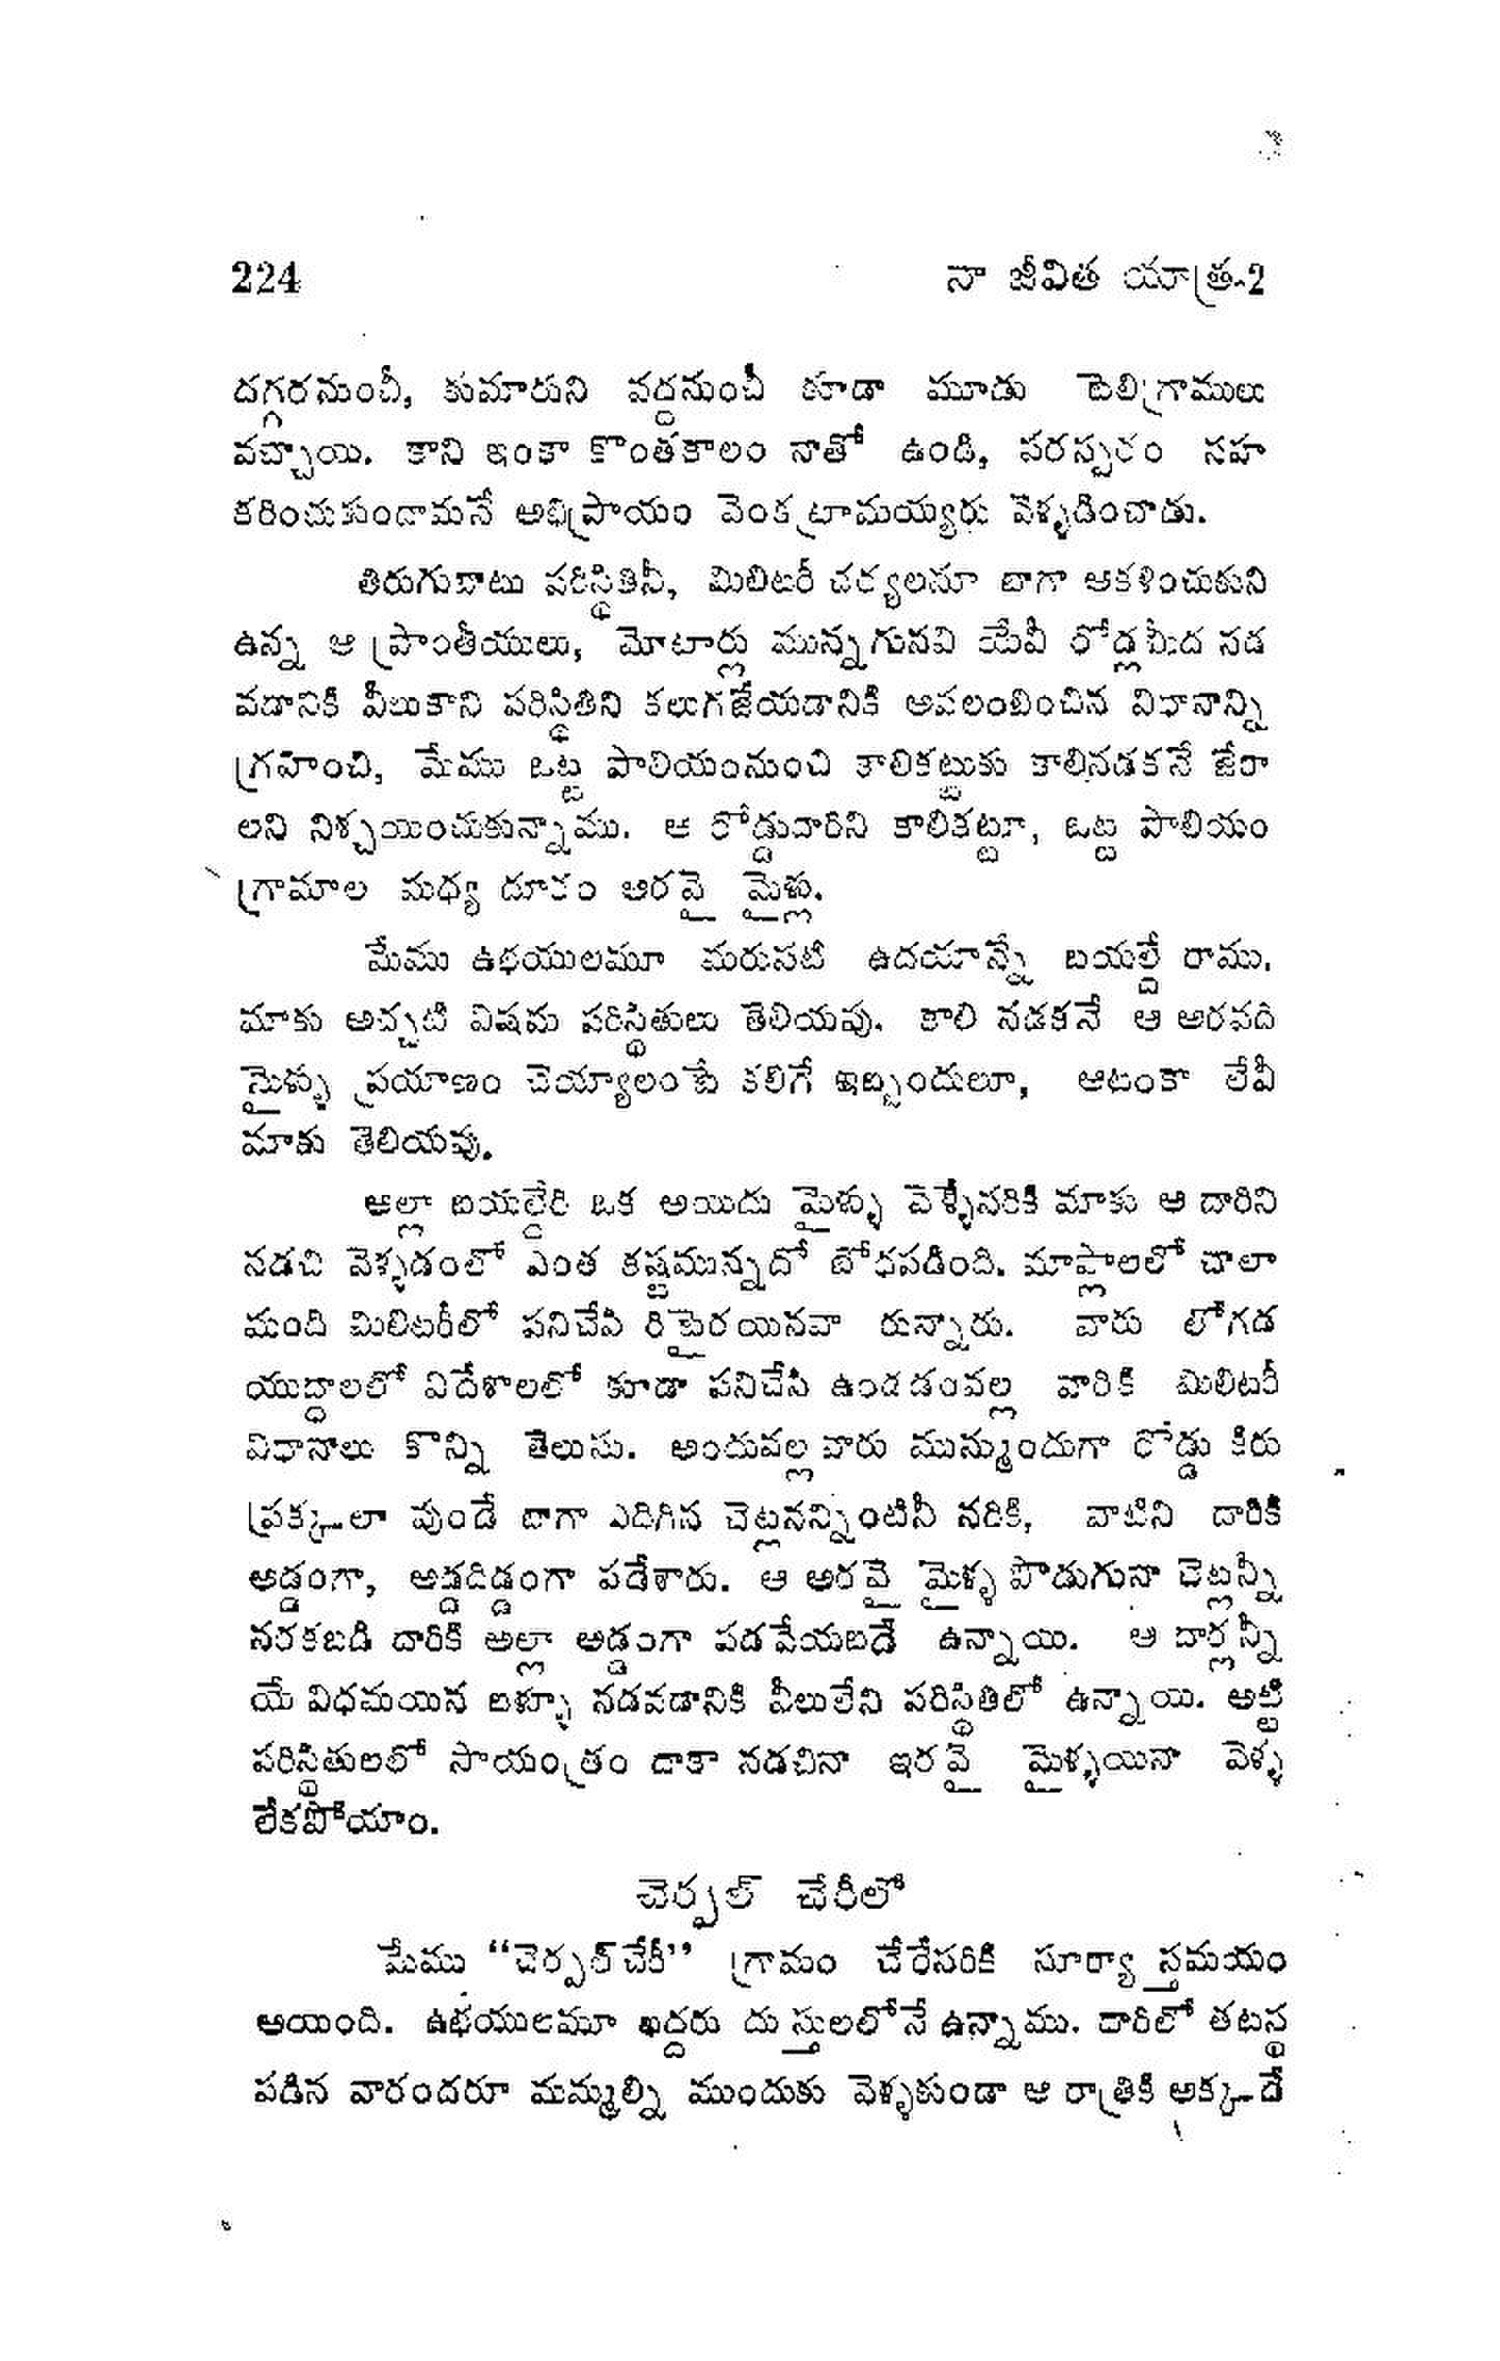దగ్గరనుంచీ, కుమారుని వద్దనుంచీ కూడా మూడు టెలిగ్రాములు వచ్చాయి. కాని ఇంకా కొంతకాలం నాతో ఉండి, పరస్పరం సహకరించుకుందామనే అభిప్రాయం వెంకట్రామయ్యరు వెళ్ళడించాడు.

తిరుగుబాటు పరిస్థినీ, మిలిటరీ చర్యలనూ బాగా ఆకళించుకుని ఉన్న ఆ ప్రాంతీయులు, మోటార్లు మున్నగునవి యేవీ రోడ్లమీద నడవడానికి వీలుకాని పరిస్థితిని కలుగజేయడానికి అవలంబించిన విధానాన్ని గ్రహించి, మేము ఒట్ట పాలియంనుంచి కాలికట్టుకు కాలినడకనే జేరాలని నిశ్చయించుకున్నాము. ఆ రోడ్డుదారిని కాలికట్టూ, ఒట్టపాలియం గ్రామాల మధ్య దూరం అరవై మైళ్లు.

మేము ఉభయులమూ మరుసటి ఉదయాన్నే బయల్దేరాము. మాకు అచ్చటి విషమ పరిస్థితులు తెలియవు. కాలి నడకనే ఆ అరవది మైళ్ళు ప్రయాణం చెయాలంటే కలిగే ఇబ్బందులూ, ఆటంకా లేవీ మాకు తెలియవు.

అల్లా బయల్దేరి ఒక అయిదు మైళ్ళు వెళ్ళేసరికి మాకు ఆ దారిని నడచి వెళ్ళడంలో ఎంత కష్టమున్నదో బోధపడింది. మాప్లాలలో చాలమంది మిలిటరీలో పనిచేసి రిటైరయినవా రున్నారు. వారు లోగడ యుద్ధాలలో విదేశాలలో కూడా పనిచేసి ఉండడంవల్ల వారికి మిలిటరీ విధానాలు కొన్ని తెలుసు. అందువల్ల వారు మున్ముందుగా రోడ్డు కిరుప్రక్కలా వుండే బాగా ఎదిగిన చెట్లనన్నింటినీ నరికి, వాటిని దారికి అడ్డంగా, అడ్డదిడ్డంగా పడేశారు. ఆ అరవై మైళ్ళ పొడుగునా చెట్లన్ని నరకబడి దారికి అల్లా అడ్డంగా పడవేయబడే ఉన్నాయి. ఆ దార్లన్నీ యే విధమయిన బళ్ళూ నడవడానికి వీలులేని పరిస్థితిలో ఉన్నాయి. అట్టి పరిస్థితులలో సాయంత్రం దాకా నడచినా ఇరవై మైళ్ళయినా వెళ్ళలేకపోయాం

మేము "చెర్పల్‌చేరీ" గ్రామం చేరేసరికి సూర్యాస్తమయం అయింది. ఉభయులమూ ఖద్దరు దుస్తులలోనే ఉన్నాము. దారిలో తటస్థ పడిన వారందరూ మమ్మల్ని ముందుకు వెళ్ళకుండా ఆ రాత్రికి అక్కడే